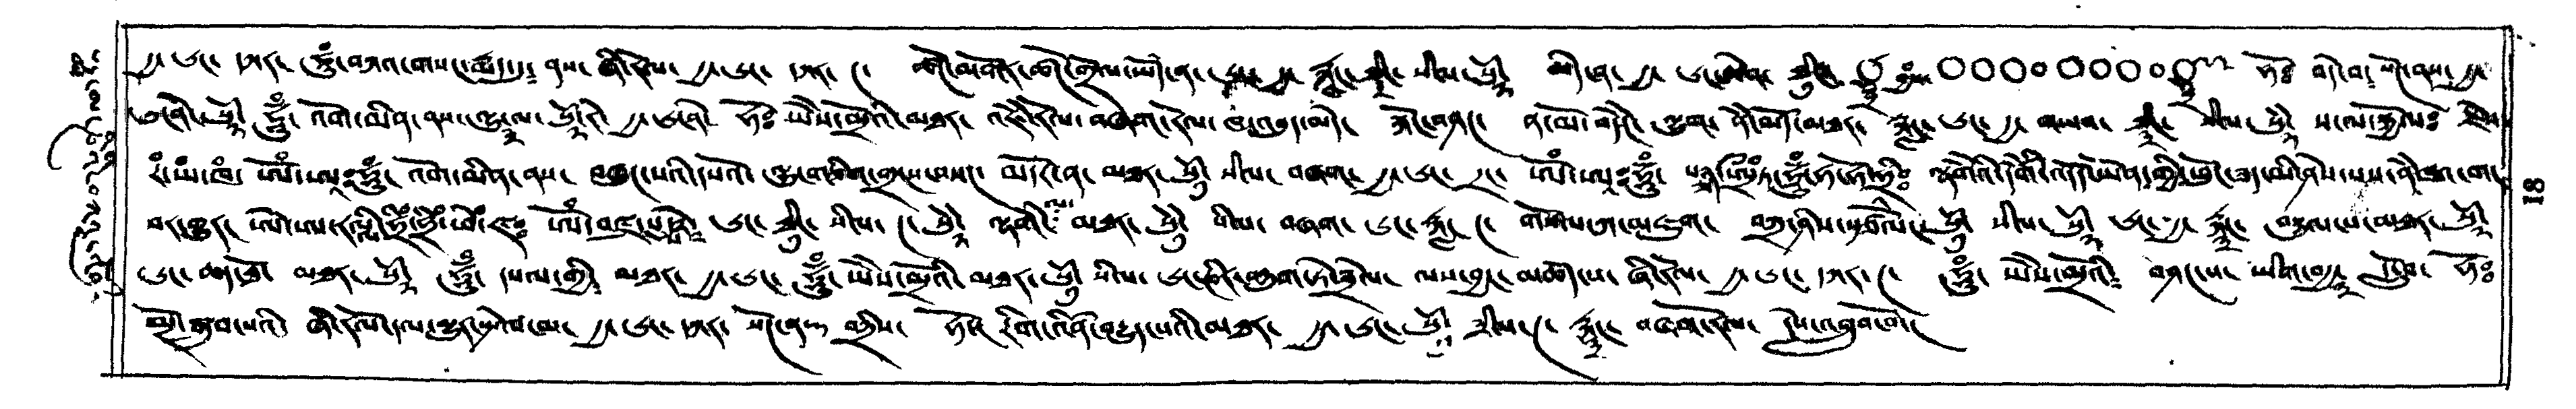རྒྱ་དུང་དཀར ཧཱུྃཿབཀའ་གསང་རྨད་དུ༴ ནས། ཞི་རོལ། རྒྱ་དུང་དཀར། ཌཱ། ཚོགས་འགོར་ཚོགས་གྲོལ་ཡོད་ན། དུང་རྒྱ་རྐང་བཞི་ཐིངགསུང་སིལ་སུམ་གཉིས། མེད་ན་རྒྱ། དུང་ཆེན། ཐིང་གཅིག ཧོཿ བདེ་བ༴ སོགས་ནས་རྒྱ་
དུང་ཆེན། སུམ་གཉིས། ཧཱུྃཿ འོག་མིན་ནས་ལྷུ་གསུམ་ལ། སུམ་གཉིས་རེ། རྒྱ་དུང་ཆེན། ཧོཿ ཡེ་ཤེས་མཁའ་འགྲོའི་མཐར། འཇམ་རོལ་བཞག་རོལ་ཁ་འབུད་མེད། སྐོང་བཤགས། ན་མོཿབདེ་གཤེགས༴ ལྷུག ནམ་མཛོད་མཐར། རྐང་བཞི་དུང་རྒྱ། གཡབ། ཐིང་གསུམ། སིལ་སུམ་གཉིས། ས་ལ་སྐྱོལཿ རྗེས། 
རཾ་ཡཾ་ཁཾཿ ཨོཾ་ཨཱཿཧཱུྃཿ འོག་མིན༴ ནས། བཞུགས་པའི་དཔའ་བོ༴ ལྷུ་གཅིག་གྲངས་བསོག མདོར་ན༴ མཐར་སུམ་གཅིག སིལ། བཞག རྒྱ་དུང་། དྲང་། ཨོཾ་ཨཱཿཧཱུྃཿ པཉྩ་ཨ་མྲྀ་ཏ་ཧཱུྃ་ཧ་ཧོ་ཧྲིཿ ལྷག་མའི་དམ་ཚིག་འདོད་ཡོན་གྱི་ཕུང་པོ་ཟད་མི་ཤེས་པས་ནམ་མཁའ་གང་
བར་གྱུར། ཨེ་ཨ་རལླི་ཧྲིཾ་ཧྲིཾ་ཕེཾ་ཛཿ ཨོཾ་བཛྲ་པུཥྤེ༴ དུང་། ཐིངགཅིག་སིལ། ཌཱ། སུམ་གཉིས། ལྷག་མ་ལ་མཐར། སུམ་གཅིག སིལ། བཞག དུང་། རྐང་། ཌཱ། གསོལ་ཀ་མཇུག་བཀྲ་ཤིས་སྩོལ། སུམ་གཅིག སིལ་སུམ་གཉིས། དུང་རྒྱ་རྐང་གསུམ། བསྐུལ་པ་མཐར། སུམལགཉིས། 
དུང་། ཆད་ཐོའི་མཐར་སུམ་གཉིས། ཧཱུྃཿ དཔལ་གྱི༴ མཐར། རྒྱ་དུང་། ཧཱུྃཿ ཡེ་ཤེས་མཁའ་འགྲོའི༴ མཐར་སུམ་གཅིག སིལ། དུང་ཎིར་བཀུག་ཏེ་སྦྲེལ། ལས་བྱང་མཆོད་པ། ཞི་རོལ། རྒྱ་དུང་དཀར་ཌཱ། ཧཱུྃཿ ཡེ་ཤེས་མཁའ་འགྲོའི༴ བཤགས། ཡིག་བརྒྱ་གསུམ། དངོས་གྲུབ། ཧོཿ 
མཁའ་འགྲོ་སྒྲུབ་པའི། ཞི་རོལ་དལ་མྱུར་སྤེལ་མ། རྒྱ། དུང་དཀར། སོགས་ནས་བཀྲ་ཤིས། ཧོཿ རིག་འཛིན་བརྒྱུད་པའི་མཐར། རྒྱ་དུང་སུམ་གཅིག ཟིལ་ཌཱ། རྐང་གསུམ། བཞག་རོལ། དེས་འགྲུབ།